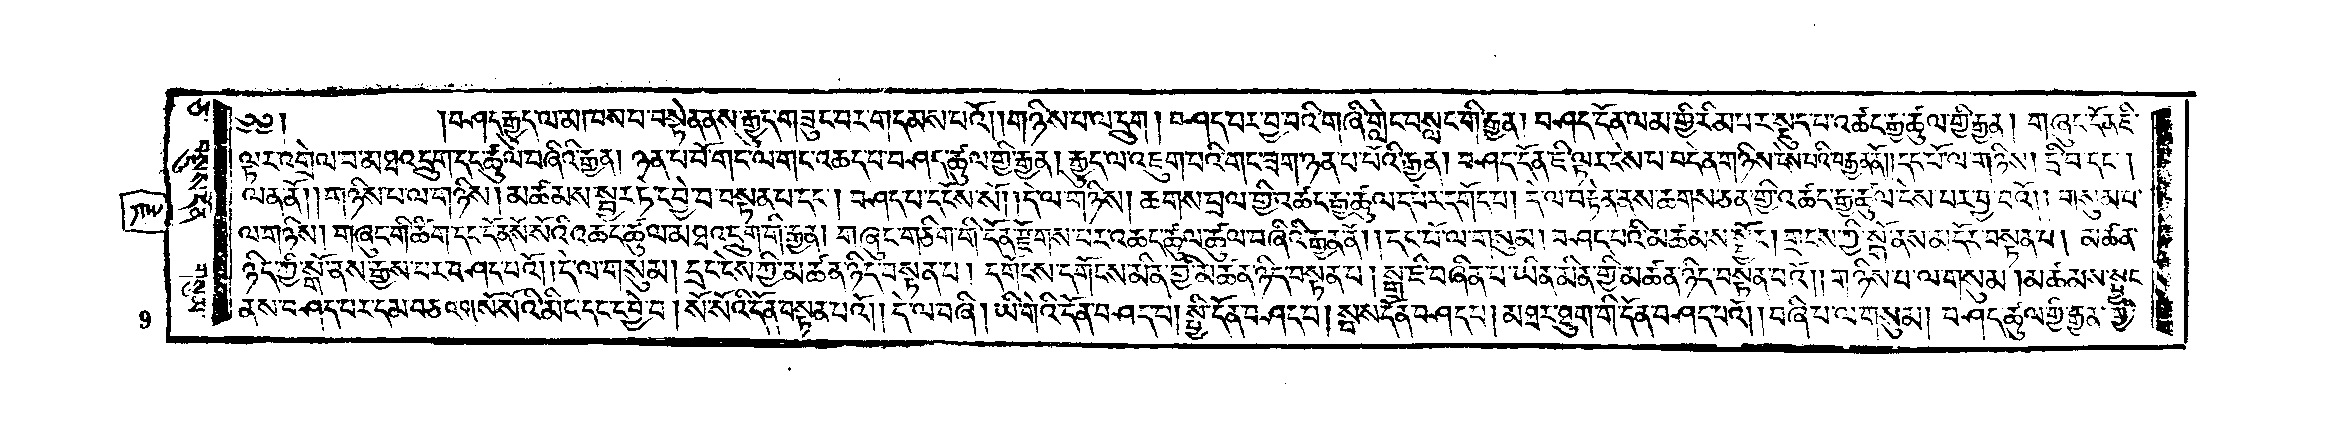༄༅། །བཤད་རྒྱུད་ལ་མཁས་པ་བསྟེན་ནས་རྒྱུད་གཟུང་བར་གདམས་པའོ། །གཉིས་པ་ལ་དྲུག །བཤད་པར་བྱ་བའི་གཞི་གླེང་བསླང་གི་རྒྱན། བཤད་དོན་ལམ་གྱི་རིམ་པར་སྡུད་པ་འཚང་རྒྱ་ཚུལ་གྱི་རྒྱན། གཞུང་དོན་ཇི་
ལྟར་འགྲེལ་བ་མཐའ་དྲུག་དང་ཚུལ་བཞིའི་རྒྱན། ཉན་པ་བོ་གང་ལ་གང་འཆད་པ་བཤད་ཚུལ་གྱི་རྒྱན། རྒྱུད་ལ་འཇུག་པའི་གང་ཟག་ཉན་པ་པོའི་རྒྱན། བཤད་དོན་ཇི་ལྟར་ངེས་པ་བདེན་གཉིས་ངེས་པའི་བརྒྱན་ནོ། །དང་པོ་ལ་གཉིས། དྲི་བ་དང་།
ལན་ནོ། །གཉིས་པ་ལ་གཉིས། མཚམས་སྦྱར་ཏེ་དབྱེ་བ་བསྟན་པ་དང་། བཤད་པ་དངོས་སོ། །དེ་ལ་གཉིས། ཆགས་བྲལ་གྱི་འཚང་རྒྱ་ཚུལ་དཔེར་དགོད་པ། དེ་ལ་བརྟེན་ནས་ཆགས་ཅན་གྱི་འཚང་རྒྱ་ཚུལ་ངེས་པར་བྱ་བའོ། །གསུམ་པ་
ལ་གཉིས། གཞུང་གི་ཚིག་དང་དོན་སོ་སོའི་འཆད་ཚུལ་མཐའ་དྲུག་གི་རྒྱན། གཞུང་གཅིག་གི་དོན་རྫོགས་པར་འཆད་ཚུལ་ཚུལ་བཞིའི་རྒྱན་ནོ། །དང་པོ་ལ་གསུམ། བཤད་པའི་མཚམས་སྦྱོར། གྲངས་ཀྱི་སྒོ་ནས་མདོར་བསྟན་པ། མཚན་
ཉིད་ཀྱི་སྒོ་ནས་རྒྱས་པར་བཤད་པའོ། །དེ་ལ་གསུམ། དྲང་ངེས་ཀྱི་མཚན་ཉིད་བསྟན་པ། དགོངས་དགོངས་མིན་གྱི་མཚན་ཉིད་བསྟན་པ། སྒྲ་ཇི་བཞིན་པ་ཡིན་མིན་གྱི་མཚན་ཉིད་བསྟན་པའོ། །གཉིས་པ་ལ་གསུམ། མཚམས་སྦྱར་
ནས་བཤད་པར་དམ་བཅའ་བ། སོ་སོའི་མིང་དང་དབྱེ་བ། སོ་སོའི་དོན་བསྟན་པའོ། །དེ་ལ་བཞི། ཡི་གེའི་དོན་བཤད་པ། སྤྱི་དོན་བཤད་པ། སྦས་དོན་བཤད་པ། མཐར་ཐུག་གི་དོན་བཤད་པའོ། །བཞི་པ་ལ་གསུམ། བཤད་ཚུལ་གྱི་རྒྱན་གྱི་